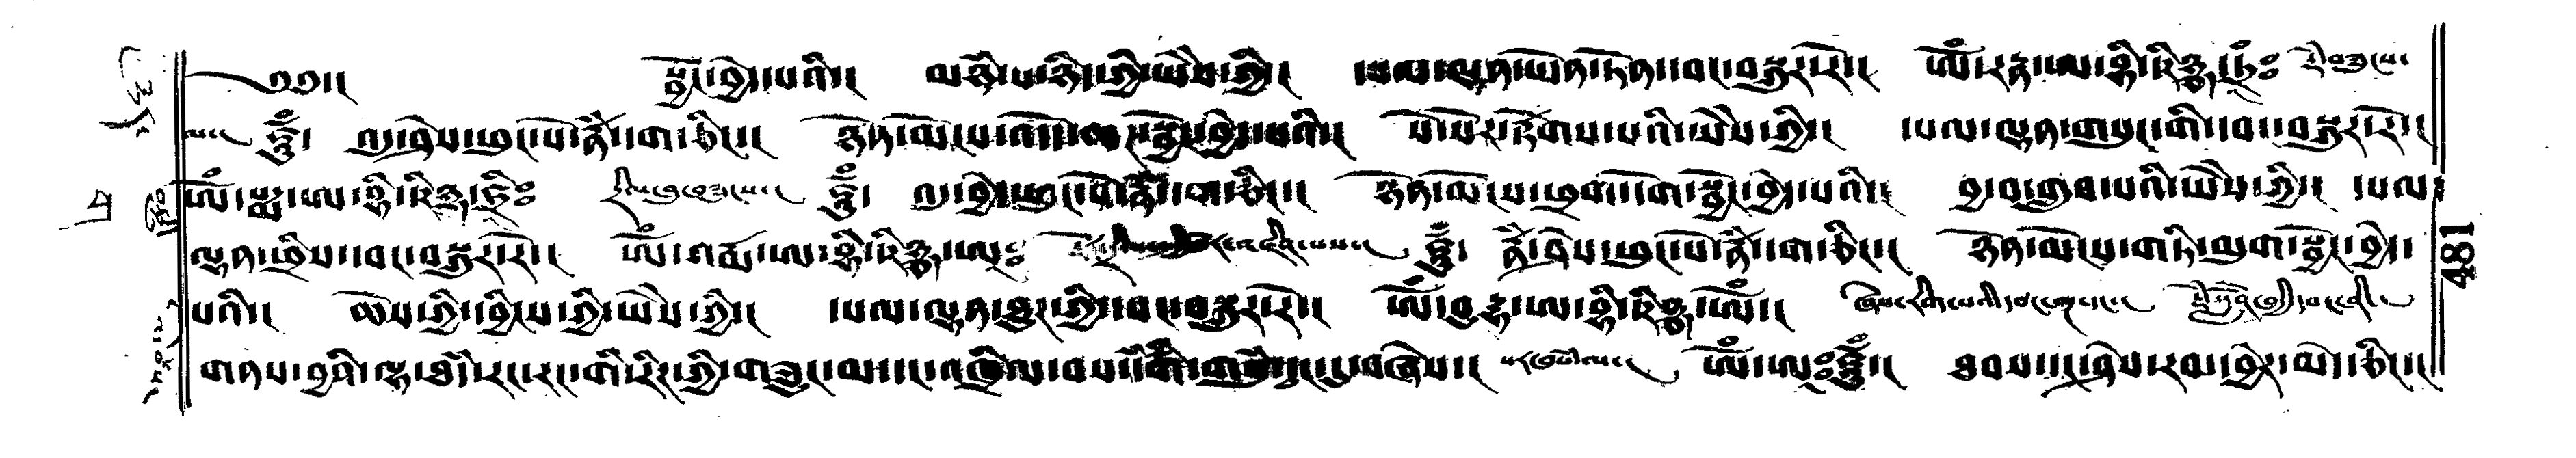སྦྱོང་བྱེད་པའི། །མཉམ་པ་ཉིད་ཀྱི་ཡེ་ཤེས་ཀྱི། །དཔལ་ལྡན་ཡོན་ཏན་དབང་བསྐུར་རོ། ཨོཾ་རཏྣ་ཨ་བྷི་རིཉྩ་ཏྲཾཿ རྡོ་རྗེ་བཟུང་
ལ། ཧཱུྃ། འདུ་ཤེས་ཕུང་པོ་རྣམ་དག་ཅིང་། །ཉོན་མོངས་འདོད་ཆགས་སྦྱོང་བྱེད་པའི། །སོ་སོར་རྟོགས་པའི་ཡེ་ཤེས་ཀྱི། །དཔལ་ལྡན་གསུང་གི་དབང་བསྐུར་རོ། 
ཨོཾ་པདྨ་ཨ་བྷི་རིཉྩ་ཧྲཱིཿ དྲིལ་བུ་བཟུང་ལ། ཧཱུྃ། འདུ་བྱེད་ཕུང་པོ་རྣམ་དག་ཅིང་། །ཉོན་མོངས་ཕྲག་དོག་སྦྱོང་བྱེད་ཅིང་། །བྱ་བ་གྲུབ་པའི་ཡེ་ཤེས་ཀྱི། །དཔལ་
ལྡན་ཕྲིན་ལས་དབང་བསྐུར་རོ། ཨོཾ་ཀརྨ་ཨ་བྷི་རིཉྩ་ཨཱཿ རྡོར་དྲིལ་སྤྱི་བོར་འཛིན་པས། ཧཱུྃ། རྣམ་ཤེས་ཕུང་པོ་རྣམ་དག་ཅིང་། །ཉོན་མོངས་གཏི་མུག་སྦྱོང་བྱེད་
པའི། །ཆོས་ཀྱི་དབྱིངས་ཀྱི་ཡེ་ཤེས་ཀྱི། །དཔལ་ལྡན་ཐུགས་ཀྱི་དབང་བསྐུར་རོ། ཨོཾ་བུདྡྷ་ཨ་བྷིུ་རིཉྩ་ཨོཾ། ཞེས་རིག་པའི་དབང་ལྔ་དང་། རྡོ་རྗེ་སློབ་དཔོན་གྱི་དབང་ནི། 
གནས་བྱའི་ལྷ་ཐམས་ཅད་རང་རང་གི་རིགས་ཀྱི་གཟུངས་མ་དང་འཁྲིལ་བས་དམ་ཚིག་གསུམ་དང་དུ་བཞེས་པར་བསམ་ལ། ཨོཾ་ཨཱཿཧཱུྃ། ཐབས་དང་ཤེས་རབ་དབྱེར་མེད་ཅིང་།